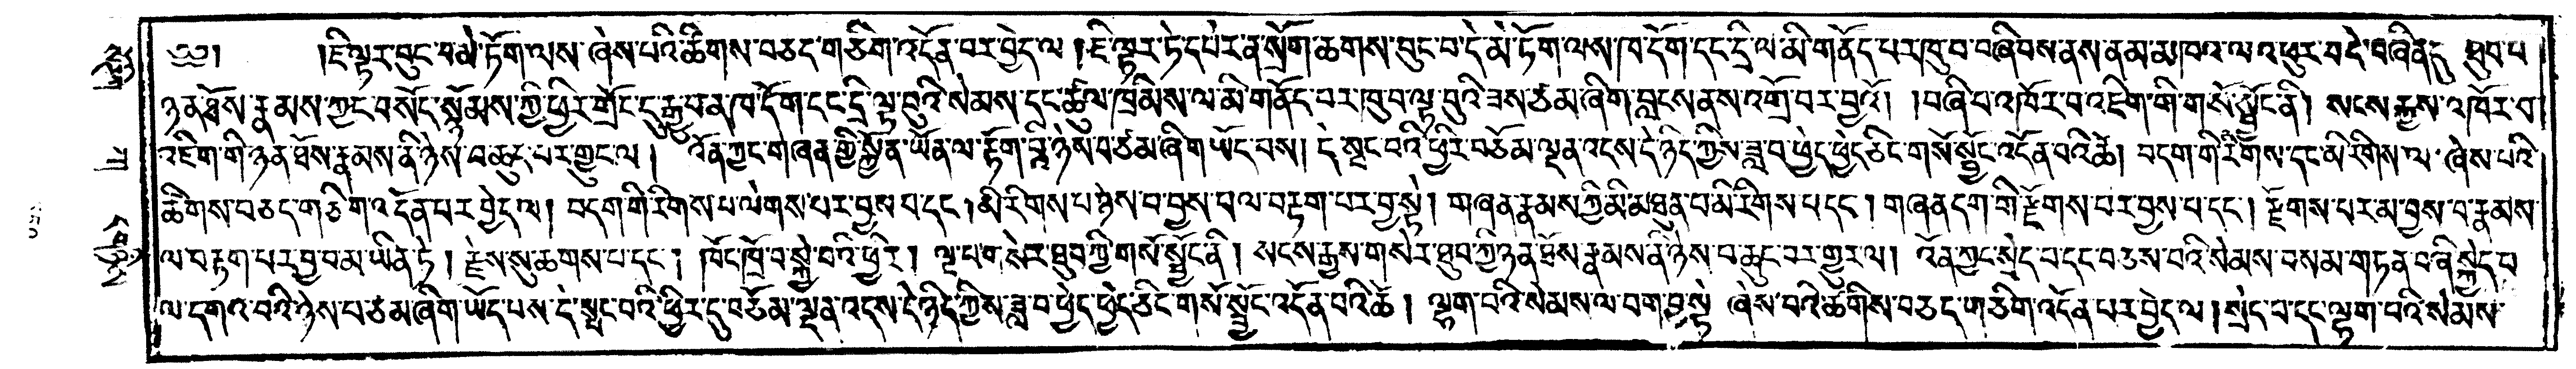༄༅། །ཇི་ལྟར་བུང་བ་མེ་ཏོག་ལས་ཞེས་པའི་ཚིགས་བཅད་གཅིག་འདོན་བར་བྱེད་ལ། ཇི་ལྟར་ཏེ་དཔེར་ན་སྲོག་ཆགས་བུང་བ་དེ་མེ་ཏོག་ལས་ཁ་དོག་དང་དྲི་ལ་མི་གནོད་པར་ཁུ་བ་བཞིབས་ནས་ནམ་མཁའ་ལ་འཕུར་བདེ་བཞིན་དུ་ཐུབ་པ་
ཉན་ཐོས་རྣམས་ཀྱང་བསོད་སྙོམས་ཀྱི་ཕྱིར་གྲོང་དུ་རྒྱུ་བ་ན་ཁ་དོག་དང་དྲི་ལྟ་བུའི་སེམས་དང་ཚུལ་ཁྲིམས་ལ་མི་གནོད་པར་ཁུ་བ་ལྟ་བུའི་ཟས་ཙམ་ཞིག་བླངས་ནས་འགྲོ་བར་བྱའོ། །བཞི་པ་འཁོར་བ་འཇིག་གི་གསོ་སྦྱོང་ནི། སངས་རྒྱས་འཁོར་བ་
འཇིག་གི་ཉན་ཐོས་རྣམས་ནི་ཉེས་བ་ཆུང་པར་གྱུང་ལ། འོན་ཀྱང་གཞན་གྱི་སྐྱོན་ཡོན་ལ་རྟོག་བའི་ཉེས་བ་ཙམ་ཞིག་ཡོད་པས། དེ་སྤང་བའི་ཕྱིར་བཅོམ་ལྡན་འདས་དེ་ཉིད་ཀྱིས་ཟླ་བ་ཕྱེད་ཕྱེད་ཅིང་གསོ་སྦྱོང་འདོན་པའི་ཚེ། བདག་གི་རིགས་དང་མི་རིགས་ལ་ཞེས་པའི་
ཚིགས་བཅད་གཅིག་འདོན་པར་བྱེད་ལ། བདག་གི་རིགས་པ་ལེགས་པར་བྱས་པ་དང་།མི་རིགས་པ་ཉེས་པ་བྱས་པ་ལ་བརྟག་པར་བྱ་སྟེ། གཞན་རྣམས་ཀྱི་མི་མཐུན་པ་མི་རིགས་པ་དང་། གཞན་དག་གི་རྫོགས་པར་བྱས་པ་དང་། རྫོགས་པར་མ་བྱས་པ་རྣམས་
ལ་བརྟག་པར་བྱ་བ་མ་ཡིན་ཏེ། རྗེས་སུ་ཆགས་པ་དང་། ཁོང་ཁྲོ་བ་སྐྱེ་བའི་ཕྱིར། ལྔ་པ་གསེར་ཐུབ་ཀྱི་གསོ་སྦྱོང་ནི། སངས་རྒྱས་གསེར་ཐུབ་ཀྱི་ཉན་ཐོས་རྣམས་ནི་ཉེས་པ་ཆུང་བར་གྱུར་ལ། འོན་ཀྱང་སྲེད་པ་དང་བཅས་པའི་སེམས་བསམ་གཏན་བཞི་སྐྱེད་པ་
ལ་དགའ་བའི་ཉེས་པ་ཙམ་ཞིག་ཡོད་པས་དེ་སྤང་བའི་ཕྱིར་དུ་བཅོམ་ལྡན་འདས་དེ་ཉིད་ཀྱིས་ཟླ་བ་ཕྱེད་ཕྱེད་ཅིང་གསོ་སྦྱོང་འདོན་པའི་ཚེ། ལྷག་པའི་སེམས་ལ་བག་བྱ་སྟེ་ཞེས་བའི་ཚིགས་བཅད་གཅིག་འདོན་པར་བྱེད་ལ། སྲེད་པ་དང་ལྷག་པའི་སེམས་